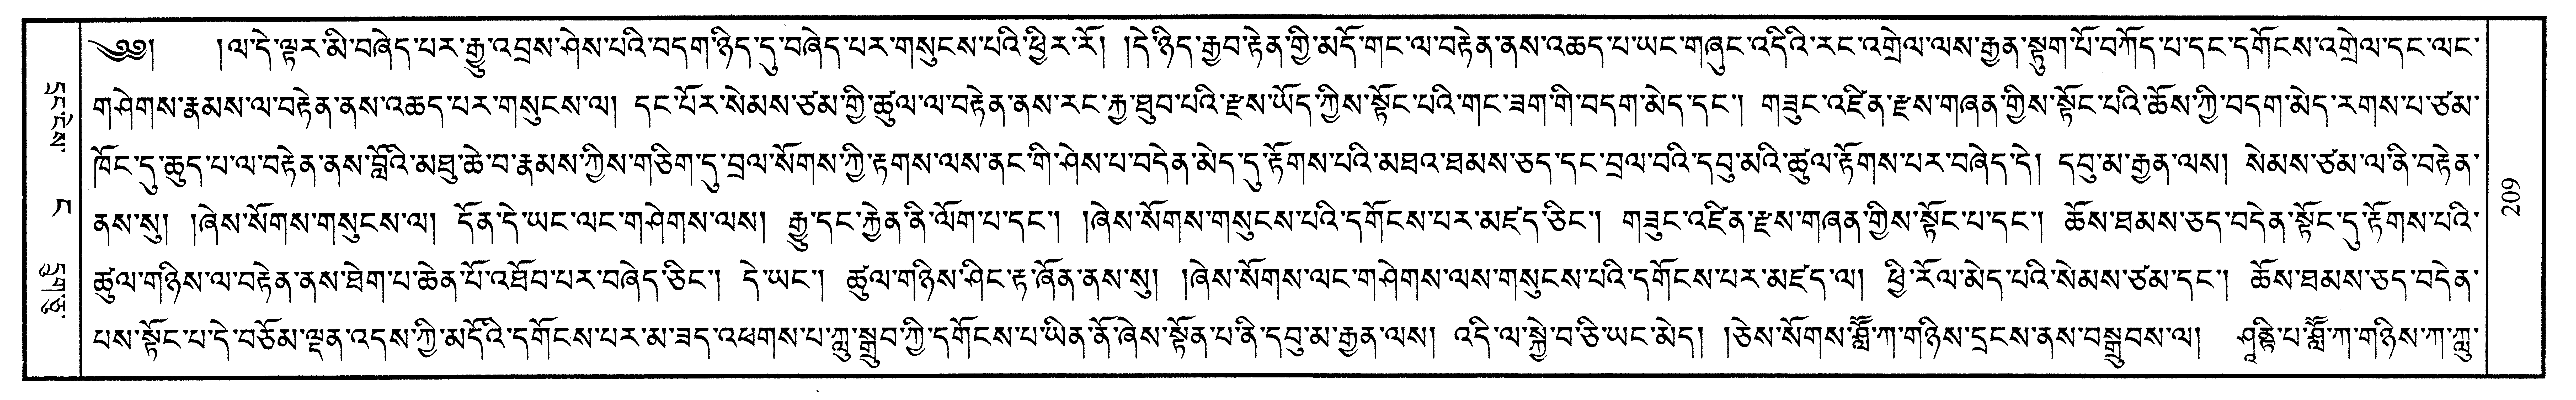༄༅། །ལ་དེ་ལྟར་མི་བཞེད་པར་རྒྱུ་འབྲས་ཤེས་པའི་བདག་ཉིད་དུ་བཞེད་པར་གསུངས་པའི་ཕྱིར་རོ། །དེ་ཉིད་རྒྱབ་རྟེན་གྱི་མདོ་གང་ལ་བརྟེན་ནས་འཆད་པ་ཡང་གཞུང་འདིའི་རང་འགྲེལ་ལས་རྒྱན་སྟུག་པོ་བཀོད་པ་དང་དགོངས་འགྲེལ་དང་ལང་
གཤེགས་རྣམས་ལ་བརྟེན་ནས་འཆད་པར་གསུངས་ལ། དང་པོར་སེམས་ཙམ་གྱི་ཚུལ་ལ་བརྟེན་ནས་རང་རྐྱ་ཐུབ་པའི་རྫས་ཡོད་ཀྱིས་སྟོང་པའི་གང་ཟག་གི་བདག་མེད་དང་། གཟུང་འཛིན་རྫས་གཞན་གྱིས་སྟོང་པའི་ཆོས་ཀྱི་བདག་མེད་རགས་པ་ཙམ་
ཁོང་དུ་ཆུད་པ་ལ་བརྟེན་ནས་བློའི་མཐུ་ཆེ་བ་རྣམས་ཀྱིས་གཅིག་དུ་བྲལ་སོགས་ཀྱི་རྟགས་ལས་ནང་གི་ཤེས་པ་བདེན་མེད་དུ་རྟོགས་པའི་མཐའ་ཐམས་ཅད་དང་བྲལ་བའི་དབུ་མའི་ཚུལ་རྟོགས་པར་བཞེད་དེ། དབུ་མ་རྒྱན་ལས། སེམས་ཙམ་ལ་ནི་བརྟེན་
ནས་སུ། །ཞེས་སོགས་གསུངས་ལ། དོན་དེ་ཡང་ལང་གཤེགས་ལས། རྒྱུ་དང་རྐྱེན་ནི་ལོག་པ་དང་། །ཞེས་སོགས་གསུངས་པའི་དགོངས་པར་མཛད་ཅིང་། གཟུང་འཛིན་རྫས་གཞན་གྱིས་སྟོང་པ་དང་། ཆོས་ཐམས་ཅད་བདེན་སྟོང་དུ་རྟོགས་པའི་
ཚུལ་གཉིས་ལ་བརྟེན་ནས་ཐེག་པ་ཆེན་པོ་འཐོབ་པར་བཞེད་ཅིང་། དེ་ཡང་། ཚུལ་གཉིས་ཤིང་རྟ་ཞོན་ནས་སུ། །ཞེས་སོགས་ལང་གཤེགས་ལས་གསུངས་པའི་དགོངས་པར་མཛད་ལ། ཕྱི་རོལ་མེད་པའི་སེམས་ཙམ་དང་། ཆོས་ཐམས་ཅད་བདེན་
པས་སྟོང་པ་དེ་བཅོམ་ལྡན་འདས་ཀྱི་མདོའི་དགོངས་པར་མ་ཟད་འཕགས་པ་ཀླུ་སྒྲུབ་ཀྱི་དགོངས་པ་ཡིན་ནོ་ཞེས་སྟོན་པ་ནི་དབུ་མ་རྒྱན་ལས། འདི་ལ་སྐྱེ་བ་ཅི་ཡང་མེད། །ཅེས་སོགས་ཤླཽ་ཀ་གཉིས་དྲངས་ནས་བསྒྲུབས་ལ། ཤཱནྟི་པ་ཤླཽ་ཀ་གཉིས་ཀ་ཀླུ་